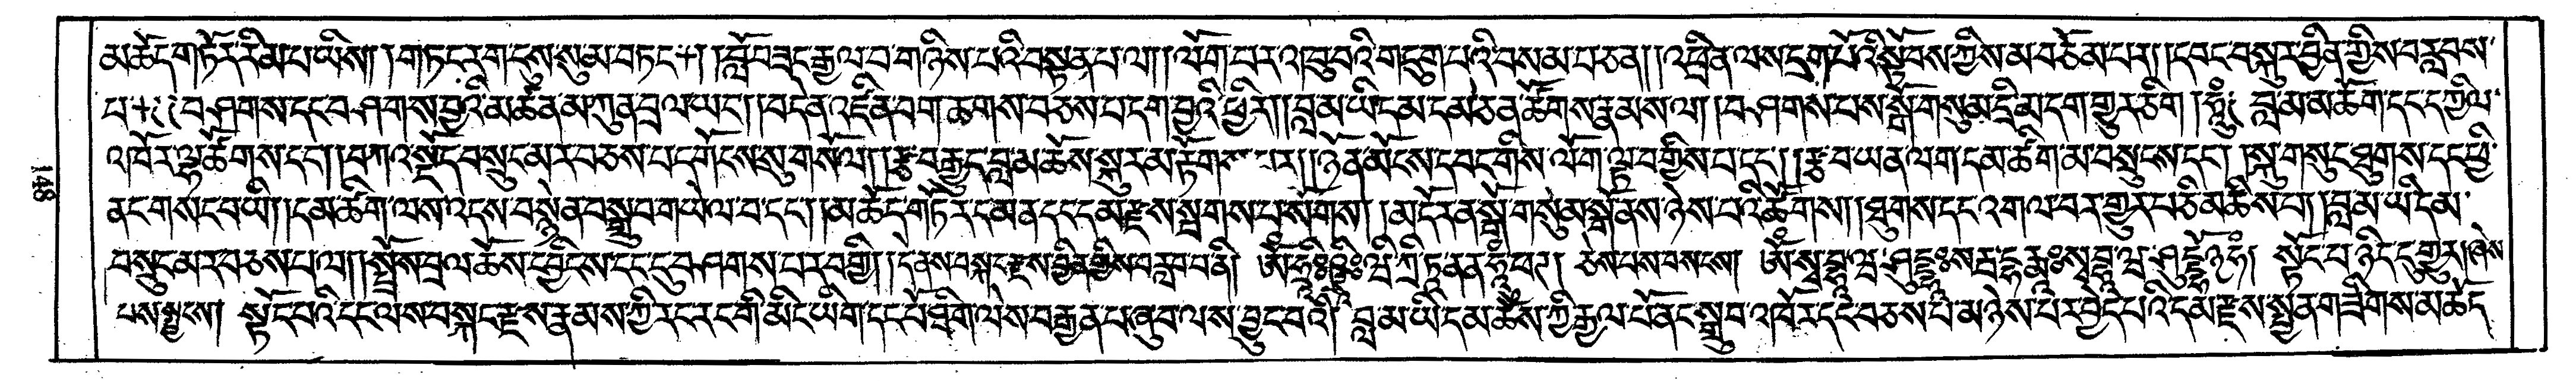མཆོད་གཏོར་རིམ་པ་ཡིས། །གཏང་རག་དུས་སུམ་བཏང་། །བློ་བཟང་རྒྱལ་བ་གཉིས་པའི་བསྟན་པ་ལ། །ལོག་པར་འཁུ་བའི་གདུག་པའི་བསམ་པ་ཅན། །འཕྲིན་ལས་དྲག་པོའི་སྟོབས་ཀྱིས་མ་བཅོམ་པར། །དབང་བསྐུར་བྱིན་གྱིས་བརླབས་
པ༑ ༑བཤགས་དང་བཤགས་བྱའི་མཚན་མ་ཀུན་བྲལ་ཡང་། །བདེན་འཇིན་བག་ཆགས་བཅས་པ་དག་བྱའི་ཕྱིར། །བླ་མ་ཡིད་དམ་དམ་ཅན་ཚོགས་རྣམས་ལ། །བཤགས་བས་སྒོ་གསུམ་དྲི་མདག་གྱུར་ཅིག །ཧཱུཾ༑ བླ་མ་མཆོག་དང་དཀྱིལ་
འཁོར་ལྷ་ཚོགས་དང་། །བཀའ་སྡོང་བསྲུང་མར་བཅས་པ་དགོངས་སུ་གསོལ། །རྩ་བརྒྱུད་བླ་མ་ཆོས་སྐུར་མ་རྟོགས་པར། །ཉོན་མོངས་དབང་གིས་ལོག་ལྟ་བགྱིས་པ་དང་། །རྩ་བ་ཡན་ལག་དམ་ཚིག་མ་བསྲུངས་དང་། །སྐུ་གསུངས་ཐུགས་དང་ཕྱི་
ནང་གསང་བ་ཡི། །དམ་ཚིག་ལས་འདས་བསྙེན་བསྒྲུབ་གཡེལ་བ་དང་། །མཆོད་གཏོར་དམན་དང་དམ་རྫས་སྦགས་པ་སོགས། །མདོར་ན་སྒོ་གསུམ་སྒོ་ནས་ཉེས་པའི་ཚོགས། །ཐུགས་དང་འགལ་བར་གྱུར་བ་ཅི་མཆིས་པ། །བླ་མ་ཡི་དམ་
བསྲུང་མར་བཅས་པ་ལ། །སྤྲོས་བྲལ་ཆོས་དབྱིངས་དང་དུ་བཤགས་པར་བགྱི། །དེ་ནས་བསྐང་རྫས་བྱིན་གྱིས་བརླབ་པ་ནི། ཨོཾ་ཧྲཱིཿ ཥྜཱིཿ ཝི་ཀྲི་ཏཱ་ནན་ཧཱུཾ་ཕཊ། ཅེས་པས་བསངས། ཨོཾ་སྭ་བྷཱ་ཝ་ཤུདྡྷཱཿསརྦདྷརྨཱཿ སྭཱ་བྷཱ་ཝ་ཤུདྡྷོཉྷཾ། སྟོང་པ་ཉིད་དུ་གྱུར། ཞེས་
པས་སྦྱངས། སྟོང་པའི་དང་ལས་བསྐང་རྫས་རྣམས་ཀྱི་རང་རང་གི་མིང་ཡིག་དང་པོ་ཐིག་ལེས་བརྒྱན་པ་ཞུ་བ་ལས་བྱུང་བའི། བླ་མ་ཡི་དམ་ཆོས་ཀྱི་རྒྱལ་པོ་ནང་སྒྲུབ་འཁོར་དང་བཅས་པ་མཉེས་པར་བྱེད་པའི་དམ་རྫས་སྤྱན་གཟིགས་མཆོད་